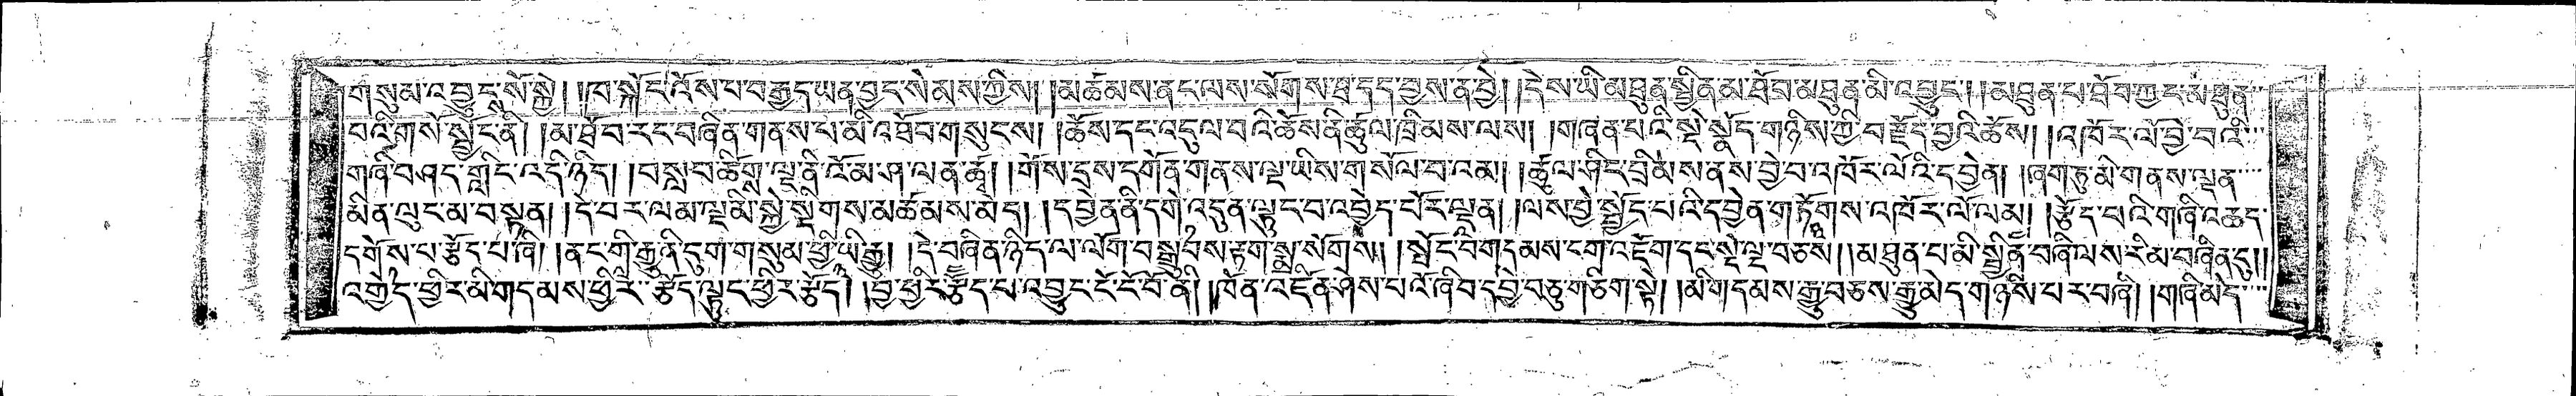གསུམ་འབྱུངས་སོ་སྐྱེ། །ཁ་སྐོང་འོས་པ་བརྒྱད་ཡན་བྱང་སེམས་ཀྱིས། །མཚམས་ནང་ལས་སོགས་ཐ་དད་བྱས་ན་བྱེ། །དེས་ཡི་མཐུན་སྦྱིན་མ་ཐོབ་མཐུན་མི་འབྱུང་། །མཐུན་?་ཐོབ་ཀྱིས་མཐུན་
བའི་གསོ་སྦྱོང་ནི། །མ་ཐོབ་རང་བཞིན་གནས་པ་མི་འཐོབ་གསུངས། །ཆོས་དང་འདུལ་བའི་ཆོས་ནི་ཚུལ་ཁྲིམས་ལས། །གཞན་པའི་སྡེ་སྣོད་གཉིས་ཀྱི་བརྗོད་བྱའི་ཆོས། །འཁོར་ལོ་བྱེ་བའི་
གཞི་བཤད་གླིང་འདི་ཉིད། །བསླབ་ཚིགས་ལྔ་ནི་འོ་མ་ཤ་ལན་ཚྭ། །གོས་དྲས་དགོན་གནས་ལྔ་ཡིས་གསོལ་བ་འམ། །ཚུལ་ཤིང་བྲིམས་ནས་བྱེ་བ་འཁོར་ལོའི་དབྱེན། །ཞག་ཏུ་མི་གནས་ལྡན་
མིན་ལུང་མ་བསྟན། །དེ་བར་ལམ་ལྔ་མི་སྐྱེ་སྡིགས་མཚམས་མེད། །དབྱེན་ནི་དགེ་འདུན་ལྟུང་བ་འབྱེད་པོར་ལྡན། །ལས་བྱེ་སྦྱོད་པའི་དབྱེན་གཏོགས་འཁོར་ལོ་ལམ། །རྩོད་པའི་གཞི་འཆད་
དགོས་པ་རྩོད་པ་ཞི། །ནང་གི་རྒྱུ་ནི་དུག་གསུམ་ཕྱི་ཡི་རྒྱུ། །དེ་བཞིན་ཉིད་ལ་ལོག་བསྒྲུབས ༡་རྟག་སྨྲ་སོགས། །སྤོང ༢་བ་གདམས་ངག་འཇོག་དང་སྡེ་ལྔ་བཅས ༣། །མཐུན་པ་མི་སྦྱིན ༤་བཞི་ལས་རིམ་བཞིན་དུ། །
འགྱེད ༡་ཕྱིར་མི་གདམས་ཕྱིར ༢་རྩོད་ལྟུང་ཕྱིར་རྩོད ༣། །བྱ་ཕྱིར ༤་རྩོད་པ་འབྱུང་ངོ་ངོ་བོ་ནི། །ཁོན་འཛིན་ཤེས་པའོ་ཞིབ་དབྱེ་བཅུ་གཅིག་སྟེ། མི་གདམས་རྒྱུ་བཅས་རྒྱུ་མེད་གཉིས་པར་བཞི། །གཞི་མེད་